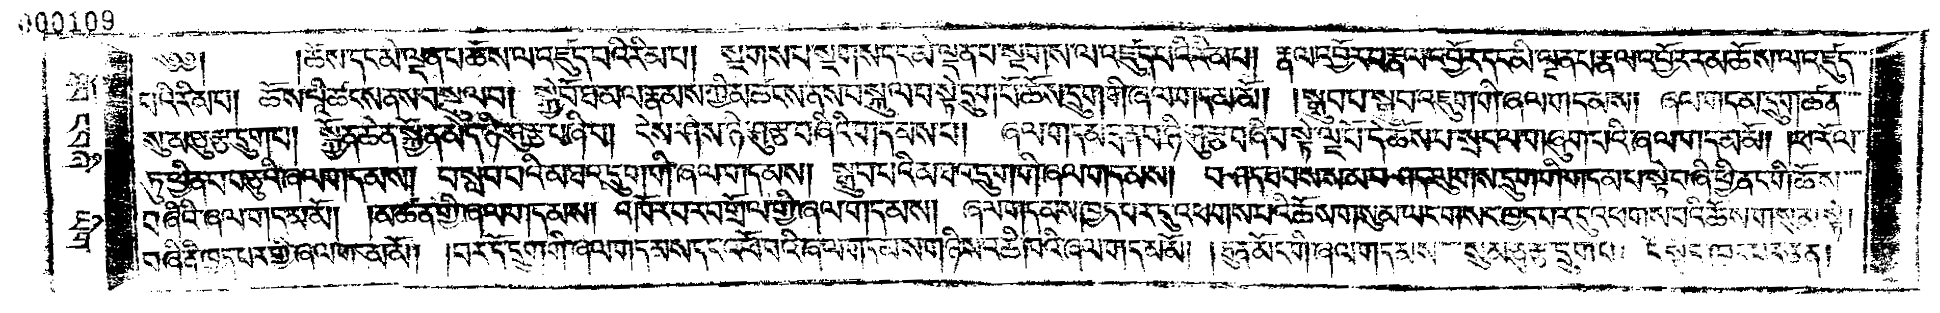༄༅། །ཆོས་དང་མི་ལྡན་པ་ཆོས་ལ་འཛུད་པའི་རིམ་པ། སྔགས་པ་སྔགས་དང་མི་ལྡན་པ་སྔགས་ལ་འཛུད་པའི་རིམ་པ། རྣལ་འབྱོར་པ་རྣལ་འབྱོར་དང་མི་ལྡན་པ་རྣལ་འབྱོར་རམ་ཆོས་ལ་འཛུད་
པའི་རིམ་པ། ཆོས་པའི་ཚངས་ནས་བསྐུལ་བ། སྐྱེ་བོ་ཐ་མལ་རྣམས་ཀྱི་མཚངས་ནས་བསྐུལ་བ་སྟེ་དྲུག་པོ་ཆོས་དྲུག་གི་ཞལ་གདམ་མོ། །སྒྲུབ་པ་སྒྲུབ་འཇུག་གི་ཞལ་གདམས། ཞལ་གདམ་དྲུག་ཚན་
སུམ་ཅུ་རྩ་དྲུག་པ། སྐྱོན་ཆེན་སྐྱོན་མེད་ཉི་ཤུ་རྩ་བཞི་པ། ངེས་ཤེས་ཉི་ཤུ་རྩ་བཞིའི་གདམས་པ། ཞལ་གདམ་དྲན་པ་ཉི་ཤུ་རྩ་བཞི་པ་སྟེ་ལྔ་པོ་དེ་ཆོས་པ་སྲང་ལ་གཞུག་པའི་ཞལ་གདམ་མོ། །ཕ་རོལ་
ཏུ་ཕྱིན་པ་བཅུའི་ཞལ་གདམས། བསླབ་པའི་མཐའ་དྲུག་གི་ཞལ་གདམས། སྒྲུབ་པའི་མཐའ་དྲུག་གི་ཞལ་གདམས། བཤད་ཐབས་སམ་བཤད་ལུགས་དྲུག་གི་གདམ་པ་སྟེ་བཞི་ཕྱི་ནང་གི་ཆོས་
བཞིའི་ཞལ་གདམ་མོ། །མཚན་གྱི་ཞལ་གདམས། འཁོར་བ་རབ་གྲོལ་གྱི་ཞལ་གདམས། ཞལ་གདམས་ཁྱད་པར་དུ་འཕགས་པའི་ཆོས་གསུམ་ཡང་གསང་ཁྱད་པར་དུ་འཕགས་པའི་ཆོས་གསུམ་སྟེ།
བཞི་ནི་ཁྱད་པར་གྱི་ཞལ་གདམས་མོ། །བར་དོ་དྲུག་གི་ཞལ་གདམས་དང་འཕོ་བའི་ཞལ་གདམས་གཉིས་འཆི་ཁའི་ཞལ་གདམ་མོ། །ཐུན་མོང་གི་ཞལ་གདམས་སུམ་ཅུ་རྩ་དྲུག་པ། ངོ་སྤྲོད་ཁྱད་པར་ཅན།